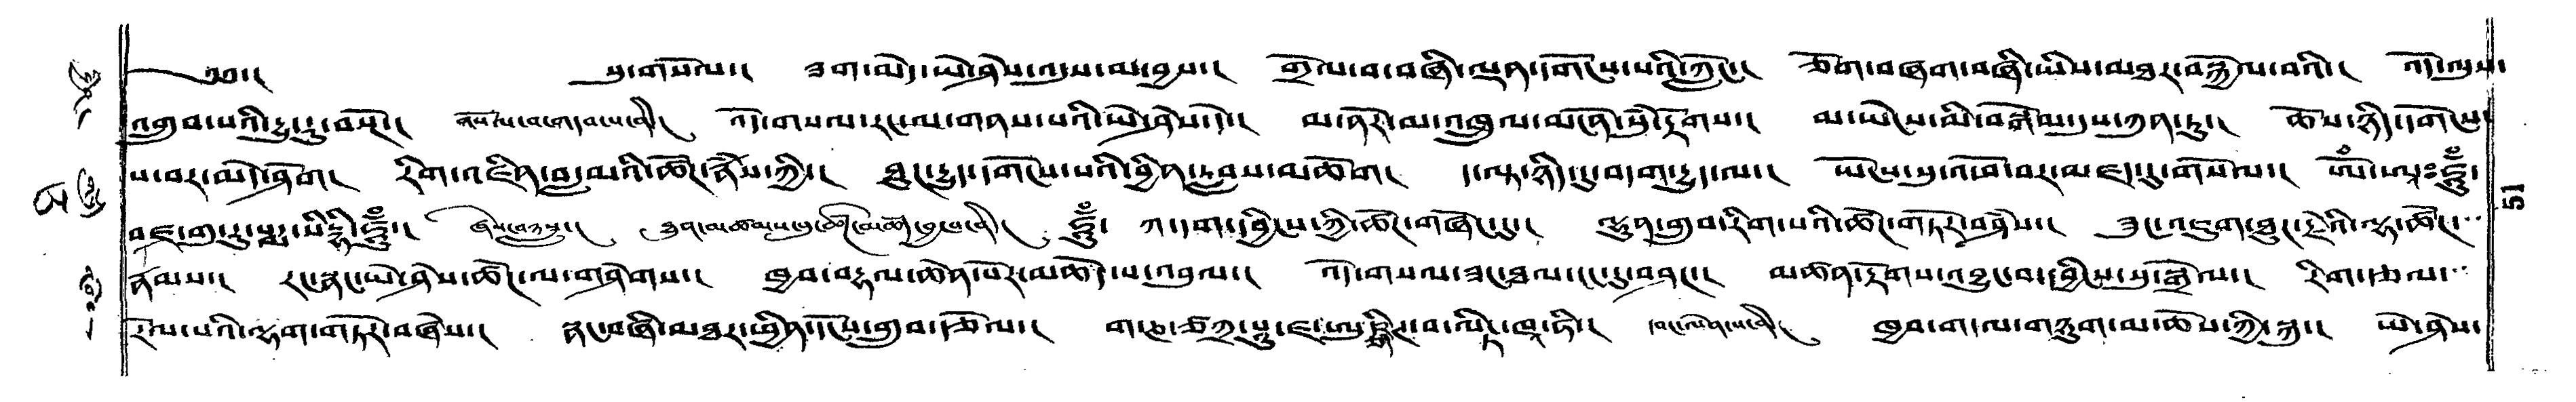སུ་གསོལ། །ཟག་མེད་ཡེ་ཤེས་འདུས་མ་བྱས། །གྲོལ་བ་བཞི་ལྡན་དགོངས་པའི་ཀློང་། །ཅོག་བཞག་བཞི་ཡིས་མཐར་སྐྱེལ་བའི། །འོད་ལུས་
འགྲུབ་པའི་རྒྱུ་རུ་བསྔོ། གསོལ་བ་གདབ་པ་ནི། འོད་གསལ་རང་ལ་གནས་པའི་ཡེ་ཤེས་དེ། །མ་ནོར་མ་འཁྲུལ་མངོན་སུམ་རྟོགས། །མ་ཡེངས་མི་བསྒོམ་དུས་ཀུན་ཏུ། །ཆོས་ཉིད་དགོངས་
པ་བར་མེད་ཤོག །རིག་འཛིན་བླ་མའི་ཚོགས་རྣམས་ཀྱི། །ཐུགས་རྒྱུད་དགོངས་པའི་བྱིན་རླབས་མཆོག །ད་ལྟ་ཉིད་དུ་བདག་རྒྱུད་ལ། །ཡོངས་སུ་འཕོ་བར་མཛད་དུ་གསོལ། ཨོཾ་ཨཱཿཧཱུྃ་
བཛྲ་གུ་རུ་པདྨ་སིདྡྷི་ཧཱུྃ།ཞེས་བཟླ། ཐུན་མཚམས་སུ་ཚོགས་མཆོད་བྱ་བ་ན ི། ཧཱུྃ། ཀ་དག་དབྱིངས་ཀྱི་ཚོགས་གཞོང་དུ། །ལྷུན་གྲུབ་རིག་པའི་ཚོགས་གཏོར་བཤམས། །ཟུང་འཇུག་ཐུགས་རྗེའི་ལྷ་ཚོགས་
རྣམས། །རང་སྣང་ཡེ་ཤེས་ཚོགས་ལ་གཤེགས། །ཁྱབ་བརྡལ་ཆེན་པོར་མཆོད་པ་འབུལ། །འོད་གསལ་ཟང་ཐལ་ངང་དུ་བཤགས། །མཚན་རྟོག་འབྱུང་བ་དབྱིངས་སུ་སྒྲོལ། །རིག་རྩལ་
རོལ་པའི་ལྷག་གཏོར་བཞེས། །སྣང་བཞི་མཐར་ཕྱིན་དངོས་གྲུབ་སྩོལ། ག་ཎ་ཙཀྲ་པཱུ་ཛ་ཨུཙྪིཥྚ་བ་ལིངྟ་ཁཱ་ཧིཿ དབང་ལེན་པ་ནི། ཁྱབ་གདལ་གཉུག་མ་ཆོས་ཀྱི་སྐུ། །ཡེ་ཤེས་